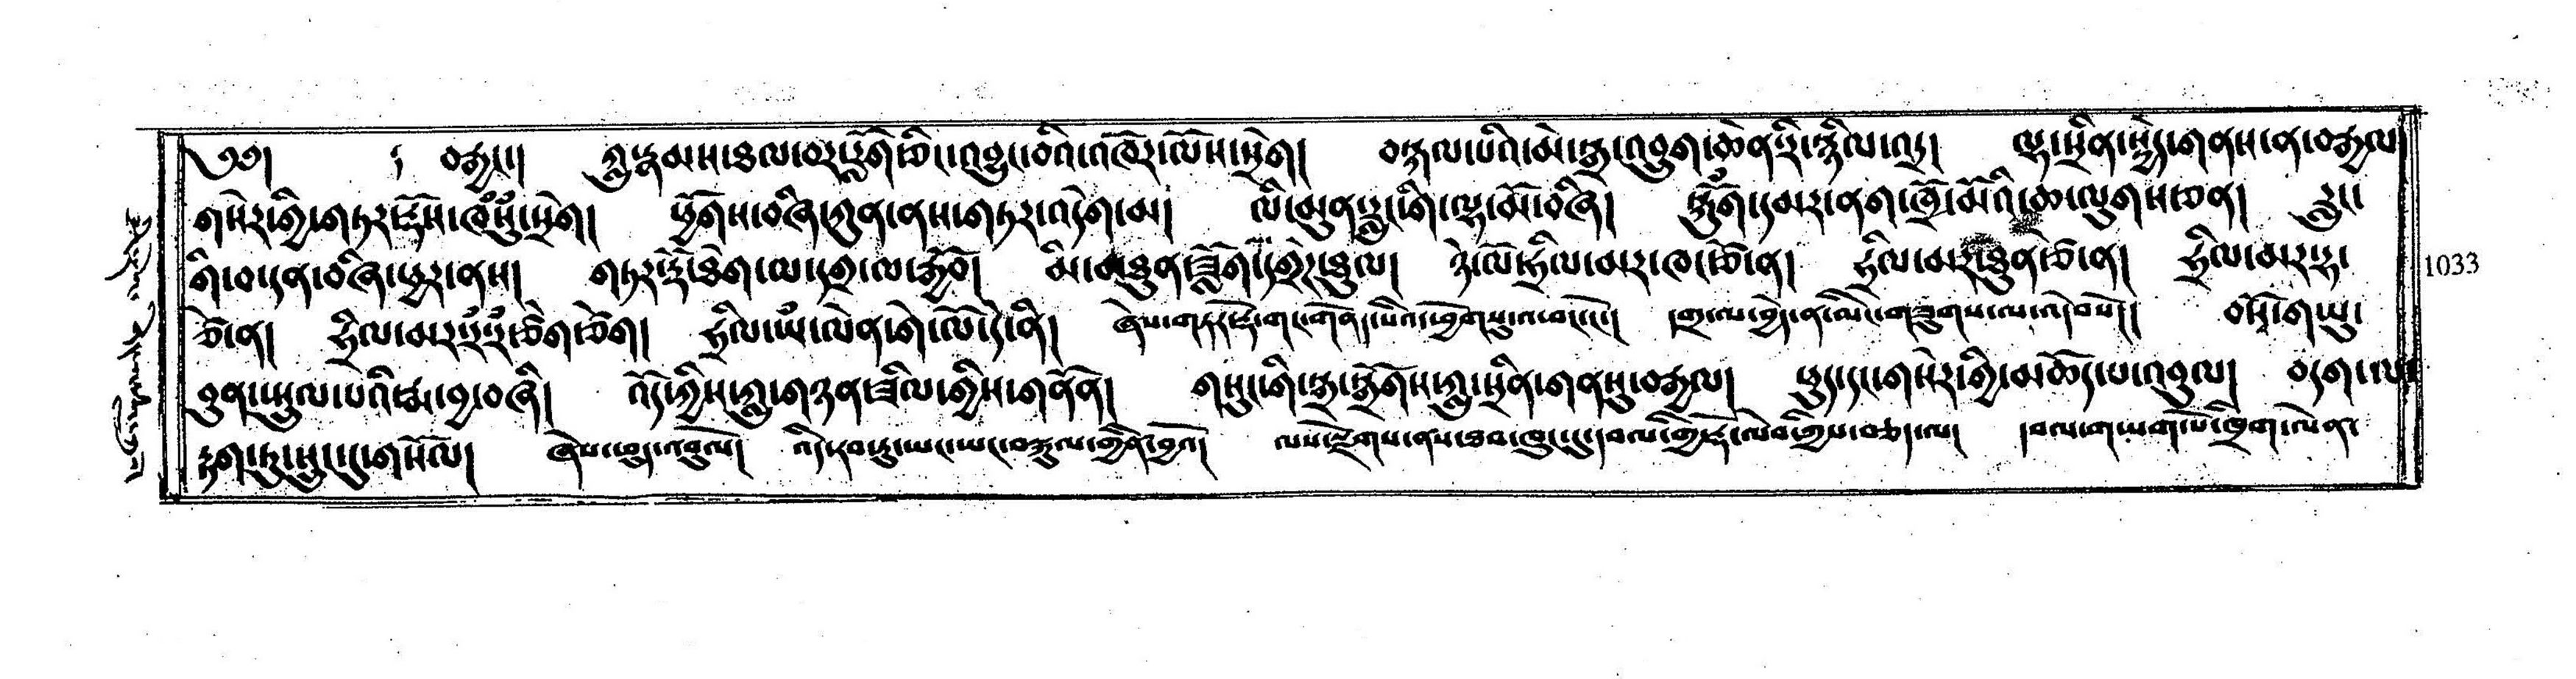བརྒྱང་། ཀླུ་རྣམས་ཐལ་བར་རློག་ཅིང་འབྱུང་བའི་འཁོར་ལོས་སྲེག བསྐལ་པའི་མེ་སྒྲ་འབྲུག་ཆེན་རི་སྙིལ་འདྲ། ལྷ་སྲིན་སྡེ་བརྒྱད་གནས་ན་བརྒྱལ། 
གསེར་གྱི་གཏར་རྡོས་ཁམས་གསུམ་སྲེག ཕྱོགས་བཞི་ཀུན་ནས་གཏར་འདེག་མ། ལི་མུན་རླུང་གི་ལྷ་མོ་བཞི། སྐུ་མདོག་དམར་ནག་ཁྲོ་མོའི་ཆ་ལུགས་ཅན། རླུང་
གི་བ་དན་བཞི་ཕྱར་ནས། གཏར་རྡོ་ཐེག་༼ཐོགས༽ལ་དགྲ་ལ་རྒྱོབས། མི་མཐུན་ཟློག་ལ་དགྲ་བགེགས་ཐུལ། ཉེ་ལོ་ཧྲིལ་མར་ཁང་ཙེ་ན། ཧྲིལ་མར་ཐུན་ཙེ་ན། ཧྲིལ་མར་དྷ་
ཙེ་ན། ཧྲིལ་མར་རཾ་རཾ་ཙེག་ཙེག ཧྲིལ་ཡཾ་ལེན་གེ་ལོ་དེ་ནི། ཞེས་གཏར་རྡོ་གང་གནོད་པའི་ཕྱོགས་སུ་འཕང་ངོ་། དགྲ་ལ་བྱེད་ན་མིང་གཟུགས་ལ་འདེབས་སོ།། བསྭོ་གཡུ་
བུན་སྤྲུལ་པའི་རྨ་བྱ་བཞི། འོད་ཀྱིས་ཀླུ་གཉན་ཟིལ་གྱིས་གནོན། གསུང་གི་སྒྲ་སྒྲོགས་ཀླུ་སྲིན་གནས་སུ་བརྒྱལ། ཕུད་དང་གསེར་གྱི་མཆོད་པ་འབུལ། བདག་ལ་
རྟག་ཏུ་སྲུང་དུ་གསོལ། ཞེས་ཕུད་འབུལ་ལོ། འདི་རབ་ཏུ་ཡང་ཡང་བསྐུལ་གྱིན་བྱའོ། ལས་རྫོགས་ནས་ཐབ་ཁུང་དུ་དབལ་གྱི་རྡོ་ལེབ་ཀྱིས་བཅད་ལ། དབལ་གཡག་སོ་ཁྲིག་ལེན་